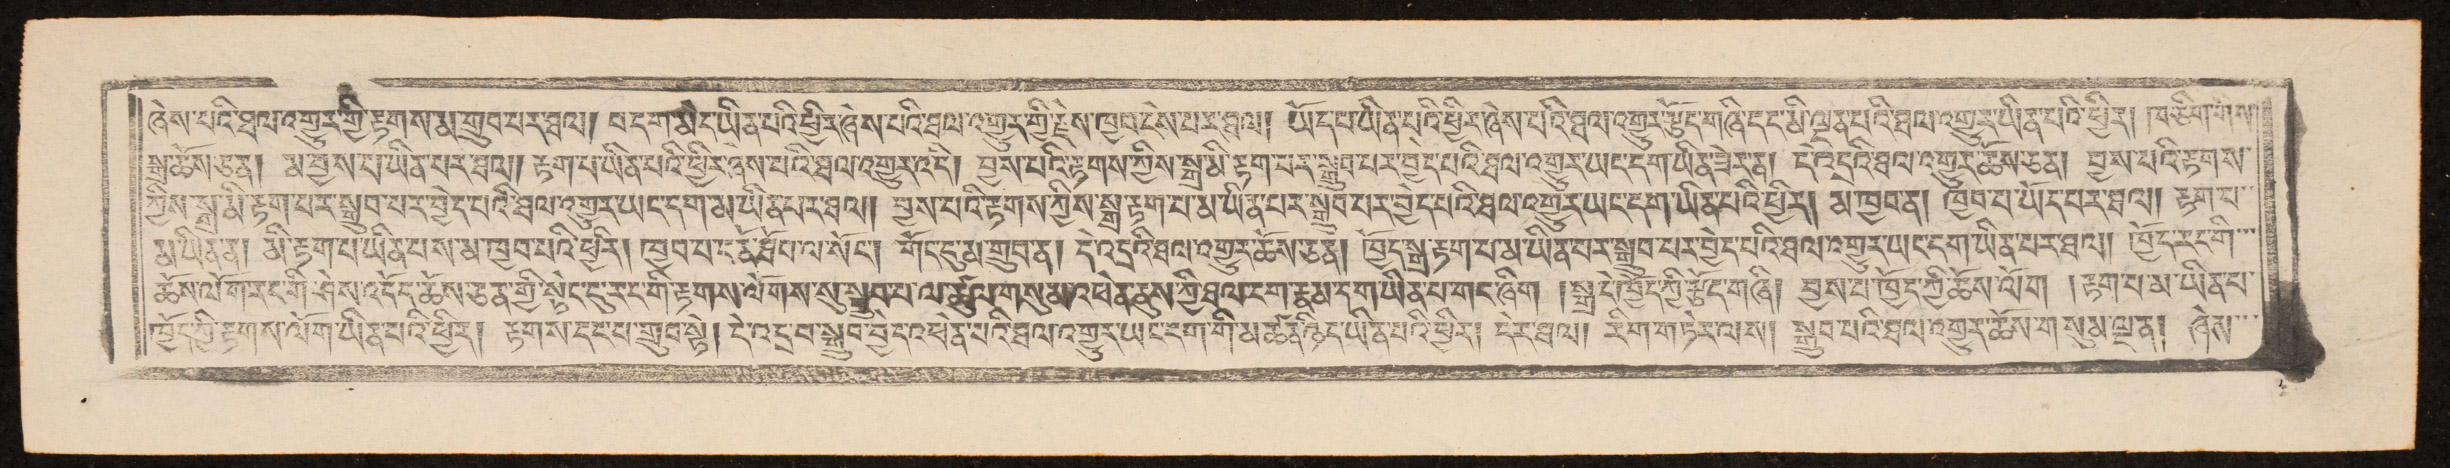ཞེས་པའི་ཐལ་འགྱུར་གྱི་རྟགས་མ་གྲུབ་པར་ཐལ། བདག་མེད་ཡིན་པའི་ཕྱིར་ཞེས་པའི་ཐལ་འགྱུར་གྱི་རྗེས་ཁྱབ་ངེས་པར་ཐལ། ཡོད་པ་ཡིན་པའི་ཕྱིར་ཞེས་པའི་ཐལ་འགྱུར་རྩོད་གཞི་དང་མི་ལྡན་པའི་ཐལ་འགྱུར་ཡིན་པའི་ཕྱིར། ཁ་ཅིག་གིས་
སྒྲ་ཆོས་ཅན། མ་བྱས་པ་ཡིན་པར་ཐལ། རྟག་པ་ཡིན་པའི་ཕྱིར་ཞེས་པའི་ཐལ་འགྱུར་འདི། བྱས་པའི་རྟགས་ཀྱིས་སྒྲ་མི་རྟག་པར་སྒྲུབ་པར་བྱེད་པའི་ཐལ་འགྱུར་ཡང་དག་ཡིན་ཟེར་ན། དེ་འདྲའི་ཐལ་འགྱུར་ཆོས་ཅན། བྱས་པའི་རྟགས་
ཀྱིས་སྒྲ་མི་རྟག་པར་སྒྲུབ་པར་བྱེད་པའི་ཐལ་འགྱུར་ཡང་དག་མ་ཡིན་པར་ཐལ། བྱས་པའི་རྟགས་ཀྱིས་སྒྲ་མི་རྟག་པ་མ་ཡིན་པར་སྒྲུབ་པར་བྱེད་པའི་ཐལ་འགྱུར་ཡང་དག་ཡིན་པའི་ཕྱིར། མ་ཁྱབ་ན། ཁྱབ་པ་ཡོད་པར་ཐལ། རྟག་པ་
མ་ཡིན་ན། མི་རྟག་པ་ཡིན་པས་མ་ཁྱབ་པའི་ཕྱིར། ཁྱབ་པ་དོན་ཐོབ་ལ་སོང་། གོང་དུ་མ་གྲུབ་ན། དེ་འདྲའི་ཐལ་འགྱུར་ཆོས་ཅན། ཁྱོད་སྒྲ་རྟག་པ་མ་ཡིན་པར་སྒྲུབ་པར་བྱེད་པའི་ཐལ་འགྱུར་ཡང་དག་ཡིན་པར་ཐལ། ཁྱོད་རང་གི་
ཆོས་ལོག་རང་གི་ཤེས་འདོད་ཆོས་ཅན་གྱི་སྟེང་དུ་རང་གི་རྟགས་ལོགས་སུ་སྒྲུབ་པ་ལ་ཚུལ་གསུམ་འཕེན་ནུས་ཀྱི་ཐལ་ངག་རྣམ་དག་ཡིན་པ་གང་ཞིག །སྒྲ་དེ་ཁྱོད་ཀྱི་རྩོད་གཞི། བྱས་པ་ཁྱོད་ཀྱི་ཆོས་ལོག། རྟག་པ་མ་ཡིན་པ་
ཁྱོད་ཀྱི་རྟགས་ལོག་ཡིན་པའི་ཕྱིར། རྟགས་དང་པོ་གྲུབ་སྟེ། དེ་འདྲ་བ་སྒྲུབ་བྱེད་འཕེན་པའི་ཐལ་འགྱུར་ཡང་དག་གི་མཚན་ཉིད་ཡིན་པའི་ཕྱིར། དེར་ཐལ། རིག་གཏེར་ལས། སྒྲུབ་པའི་ཐལ་འགྱུར་ཆོས་གསུམ་ལྡན། །ཞེས་